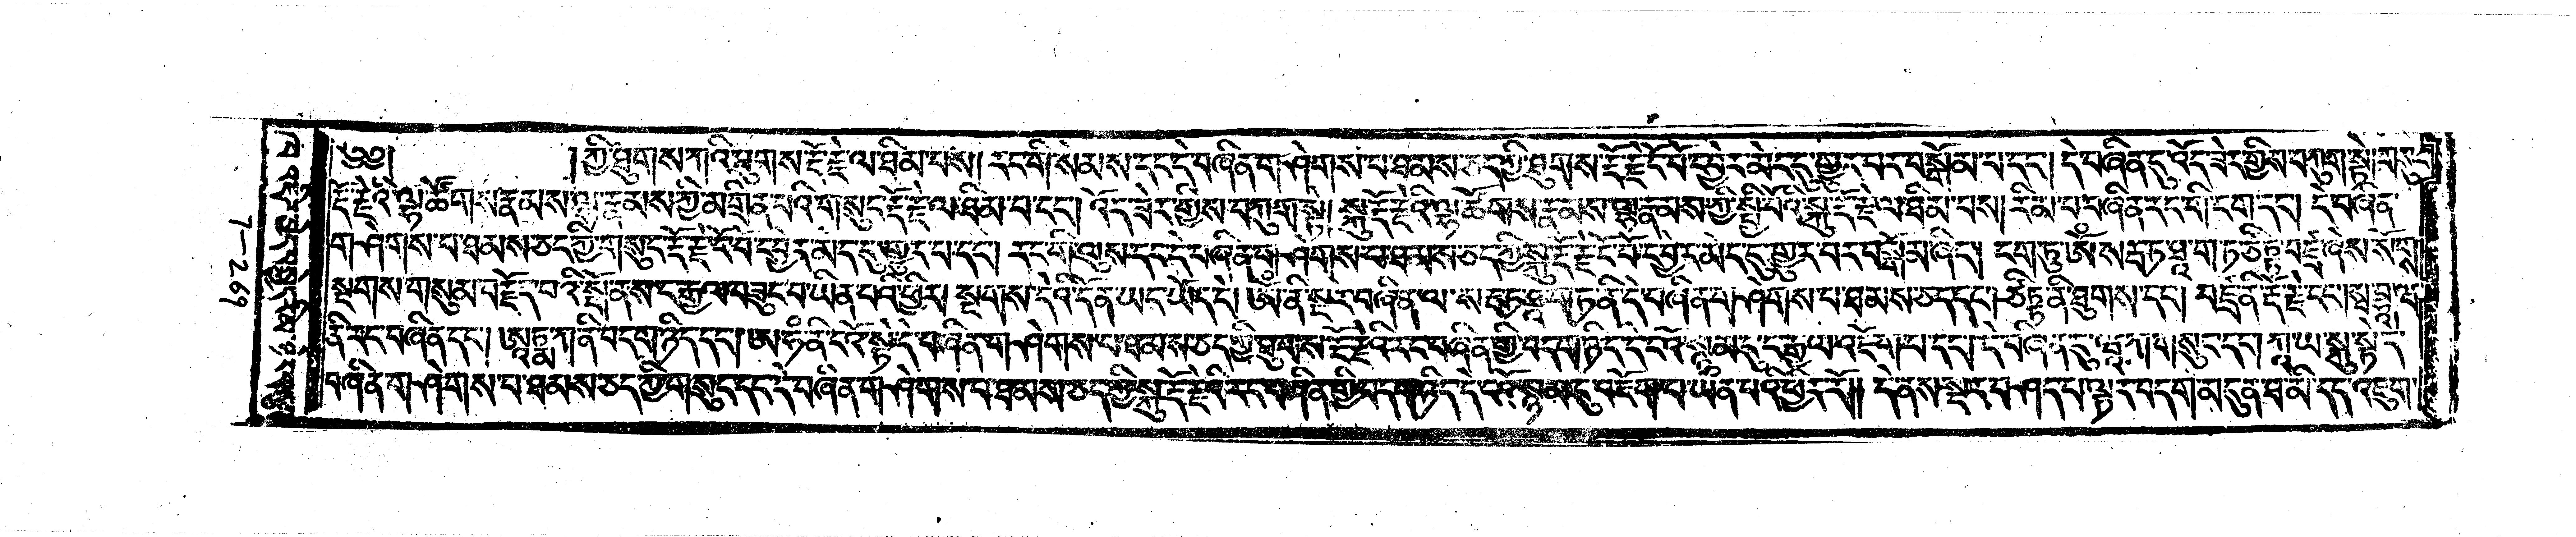༄༅། །ཀྱི་ཐུགས་ཀའི་ཐུགས་རྡོ་རྗེ་ལ་ཐིམ་པས། རང་གི་སེམས་དང་དེ་བཞིན་གཤེགས་པ་ཐམས་ཅད་ཀྱི་ཐུགས་རྡོ་རྗེ་ངོ་བོ་དབྱེར་མེད་དུ་གྱུར་པར་བསྒོམ་པ་དང་། དེ་བཞིན་དུ་འོད་ཟེར་གྱིས་བཀུག་སྟེ། གསུང་
རྡོ་རྗེའི་ལྷ་ཚོགས་རྣམས་ལྷ་རྣམས་ཀྱི་མགྲིན་པའི་གསུང་རྡོ་རྗེ་ལ་ཐིམ་པ་དང་། འོད་ཟེར་གྱིས་བཀུག་སྟེ། སྐུ་རྡོ་རྗེའི་ལྷ་ཚོགས་རྣམས་ལྷ་རྣམས་ཀྱི་སྤྱི་བོའི་སྐུ་རྡོ་རྗེ་ལ་ཐིམ་པས། རིམ་པ་བཞིན་རང་གི་ངག་དང་། དེ་བཞིན་
གཤེགས་པ་ཐམས་ཅད་ཀྱི་གསུང་རྡོ་རྗེ་ངོ་བོ་དབྱེར་མེད་དུ་གྱུར་པ་དང་། རང་གི་ལུས་དང་དེ་བཞིན་གཤེགས་པ་ཐམས་ཅད་ཀྱི་སྐུ་རྡོ་རྗེ་ངོ་བོ་དབྱེར་མེད་དུ་གྱུར་པར་བསྒོམ་ཞིང་། ངག་ཏུ་ཨོཾ་སརྦ་ཏ་ཐཱ་ག་ཏ་ཙིཏྟ་བཛྲ་ཞེས་སོགས་
སྔགས་གསུམ་བརྗོད་པའི་སྒོ་ནས་ང་རྒྱལ་བཟུང་བ་ཡིན་པའི་ཕྱིར། སྔགས་དེའི་དོན་ཡང་ཡོད་དེ། ཨོཾ་ནི་སྔར་བཞིན་ལ་སརྦ་ཏ་ཐཱ་ག་ཏ་ནི་དེ་བཞིན་གཤེགས་པ་ཐམས་ཅད་དང་། ཙིཏྟ་ནི་ཐུགས་དང་། བཛྲ་ནི་རྡོ་རྗེ་དང་། སྭ་བྷཱ་ཝ་
ནི་རང་བཞིན་དང་། ཨཱཏྨ་ཀ་ནི་བདག་ཉིད་དང་། ཨ་ཧཾ་ནི་ངའོ་སྟེ་དེ་བཞིན་གཤེགས་པ་ཐམས་ཅད་ཀྱི་ཐུགས་རྡོ་རྗེའི་རང་བཞིན་གྱི་བདག་ཉིད་དེ་ངའོ་སྙམ་དུ་ང་རྒྱལ་འཇོག་པ་དང་། དེ་བཞིན་དུ་ཝཱ་ཀ་གསུང་དང་། ཀཱ་ཡ་སྐུ་སྟེ་དེ་བཞིན་
གཤེགས་པ་ཐམས་ཅད་ཀྱི་གསུང་དང་དེ་བཞིན་གཤེགས་པ་ཐམས་ཅད་ཀྱི་སྐུ་རྡོ་རྗེའི་རང་བཞིན་གྱི་བདག་ཉིད་དེ་ངའོ་སྙམ་དུ་འཇོག་པ་ཡིན་པའི་ཕྱིར་རོ། །དེ་ནས་སྔར་བཤད་པ་ལྟར་བདག་མདུན་ཐ་མི་དད་འཇུག་